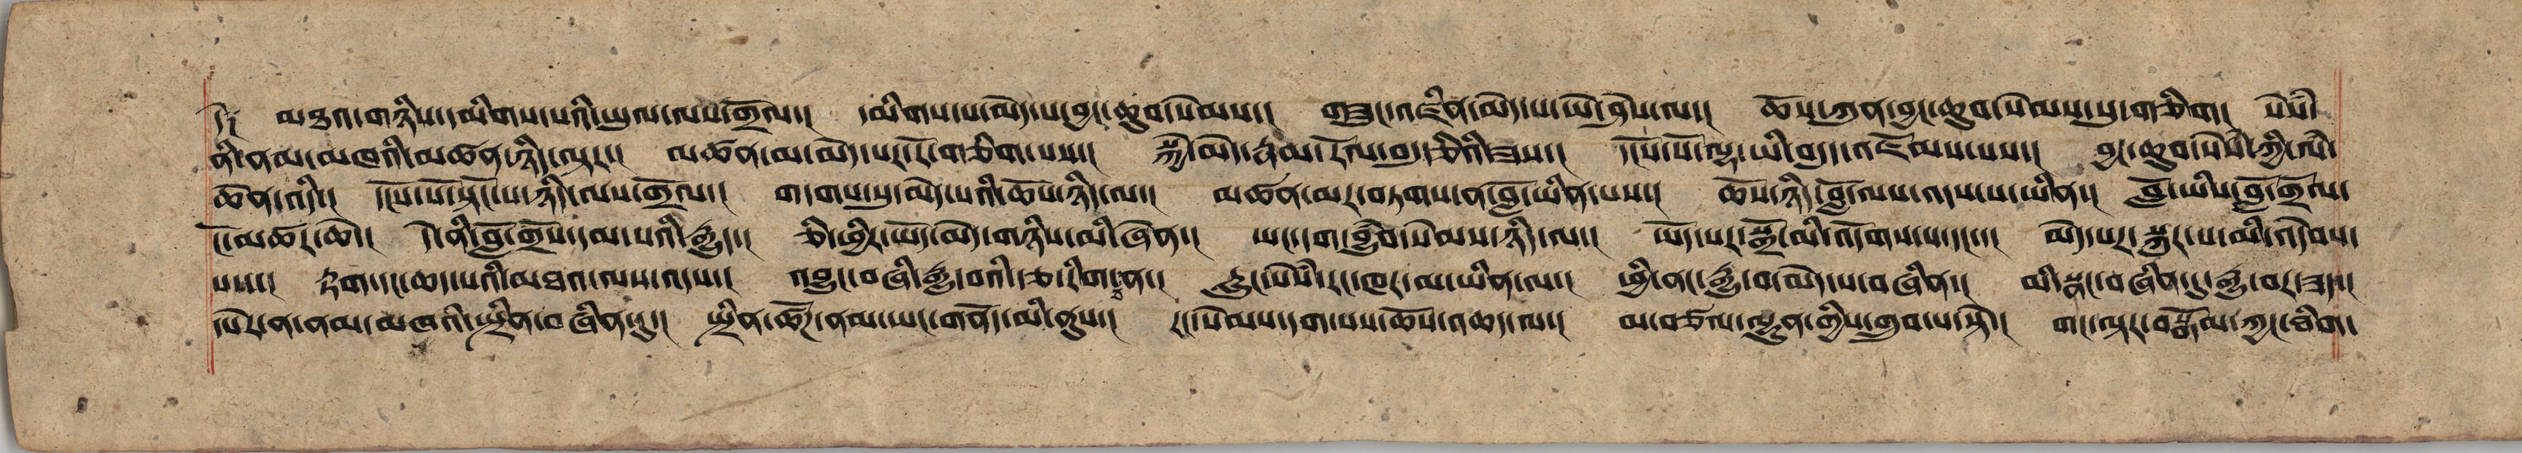དེ༑ མཐའ་གཉིས་དམིགས་་པའི་ཡུལ་ལས་གྲོལ་། དམིགས་པ་མེད་པ་བྱང་ཆུབ་སེམས་། གཟུང་འཛིན་མེད་པ་ཡེ་ཤེས་ལ་། ཆོས་ཀུན་བྱང་ཆུབ་སེམས་སུ་གཅིག། སེཾས་
ནི་ནམ་མཁའི་མཚན་ཉིད་ལྟར་། མཚན་མ་མེད་པར་རོ་གཅིག་པས་། སྐྱེ་མེད་རྣམ་རོལ་བདུདརྩིའི་ཟས་། དངོས་པོ་ལྷ་ཡི་བདུད་འཇོམས་པས་། བྱང་ཆུབ་སེཾས་ཀྱི་ལཾ་
ཆེན་འདི་། དངོས་པོ་སྟོང་པ་ཉིད་ལས་གྲོལ་། གདགས་སུ་མེད་པའི་ཆོས་ཉིད་ལ་། མཚན་མར་བཏགས་ན་བློ་ཡིན་པས་། ཆོས་ཉིད་བློ་ལས་འདས་པ་ཡིན། བློ་ཡིས་བློ་གྲོལ་
ངོ་མཚར་ཆེ་། དེ་ནི་བློ་གྲོས་དམ་པའི་རྒྱུད་། ཅི་ཕྱིར་ཡོད་མེད་གཉིས་མི་ཞེན་། ཡང་དག་བྱུཾབ་སེམས་ཉིད་ལ་། ཡོད་པར་སྒྲོ་མི་འདོགས་པ་དང་་། མེད་པར་སྐུར་པ་མི་འདེབས་
པས་། རྟག་དང་ཆད་པའི་མཐའ་ལས་འདས་། འབྱུང་བཞི་རྒྱུ་བའི་རྩ་རིག་ཅན་། རླུང་སེཾས་རང་ཁར་མ་ཡིན་ལ་། ཕྱི་ནང་རྒྱུ་བ་མེད་པ་བཞིན་། མི་སྣང་བཞིན་དུ་རྒྱུ་བར་ཟད་།
དཔེར་ན་ནམ་མཁའི་སྤྲིན་བཞིན་དུ་། སྤྲིན་ཚོཌ་ནམ་ཡང་གནོད་མི་ནུས་། རང་སེམས་དག་པས་ཆོས་འཆད་ལ་། མ་བཙལ་ལྷུན་གྱིས་གྲུབ་པ་སྟེ་། གང་ལྟར་བསྒོམ་ཀྱང་ཐིག་